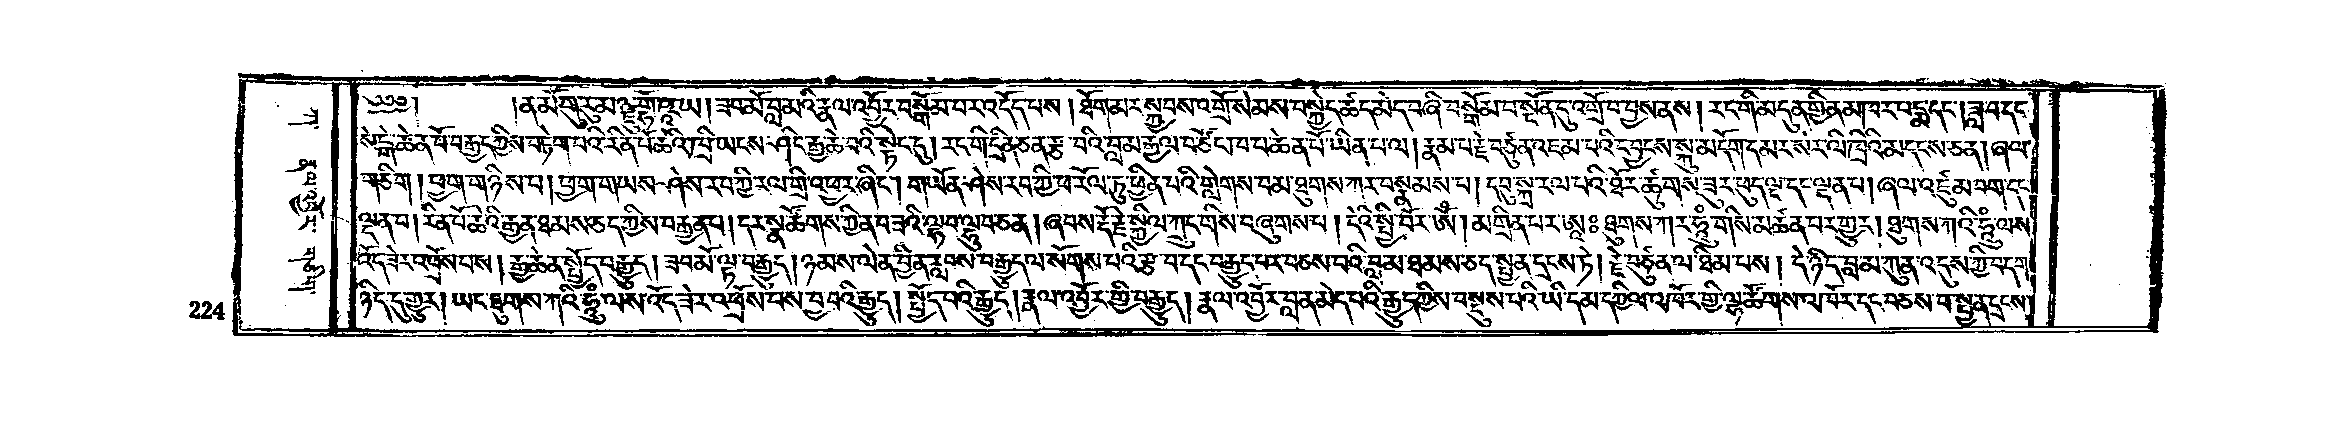༄༅༅། །ན་མོ་གུ་རུ་མཉྫུ་གྷོ་ཥཱ་ཡ། ཟབ་མོ་བླ་མའི་རྣལ་འབྱོར་བསྒོམ་པར་འདོད་པས། ཐོག་མར་སྐྱབས་འགྲོ་སེམས་བསྐྱེད་ཚད་མེད་བཞི་བསྒོམ་པ་སྔོན་དུ་འགྲོ་བ་བྱས་ནས། རང་གི་མདུན་གྱི་ནམ་མཁར་པདམ་དང་། ཟླ་བ་དང་
སེངྒེ་ཆེན་པོ་བརྒྱད་ཀྱིས་བཏེག་པའི་རིན་པོ་ཆེའི་ཁྲི་ཡངས་ཤིང་རྒྱ་ཆེ་བའི་སྟེང་དུ། རང་གི་དྲིན་ཅན་རྩ་བའི་བླ་མ་རྒྱལ་བ་ཙོང་ཁ་པ་ཆེན་པོ་ཡིན་པ་ལ། རྣམ་པ་རྗེ་བཙུན་འཇམ་པའི་དབྱངས་སྐུ་མདོག་དམར་སེར་ལི་ཁྲིའི་མདངས་ཅན། ཞལ་
གཅིག །ཕྱག་གཉིས་པ། ཕྱག་གཡས་ཤེས་རབ་ཀྱི་རལ་གྲི་འཕྱར་ཞིང་། གཡོན་ཤེས་རབ་ཀྱི་ཕ་རོལ་ཏུ་ཕྱིན་པའི་གླེགས་བམ་ཐུགས་ཀར་བསྣམས་པ། དབུ་སྐྲ་རལ་པའི་ཐོར་ཚུགས་ཟུར་ཕུད་ལྔ་དང་ལྡན་པ། ཞལ་འཛུམ་བག་དང་
ལྡན་པ། རིན་པོ་ཆེའི་རྒྱན་ཐམས་ཅད་ཀྱིས་བརྒྱན་པ། དར་སྣ་ཚོགས་ཀྱི་ན་བཟའི་ལྷབ་ལྷུབ་ཅན། ཞབས་རྡོ་རྗེ་སྐྱིལ་ཀྲུང་གིས་བཞུགས་པ། དེའི་སྤྱི་བོར་ཨོཾ། མགྲིན་པར་ཨཱཿ ཐུགས་ཀར་ཧཱུཾ་གིས་མཚན་པར་གྱུར། ཐུགས་ཀའི་ཧཱུཾ་ལས་
འོད་ཟེར་འཕྲོས་པས། རྒྱ་ཆེན་སྤྱོད་བརྒྱུད། ཟབ་མོ་ལྟ་བརྒྱུད། ཉམས་ལེན་བྱིན་རླབས་བརྒྱུད་ལ་སོགས་པའི་རྩ་བ་དང་བརྒྱུད་པར་བཅས་པའི་བླ་མ་ཐམས་ཅད་སྤྱན་དྲངས་ཏེ། རྗེ་བཙུན་ལ་ཐིམ་པས། དེ་ཉིད་བླ་མ་ཀུན་འདུས་ཀྱི་བདག་
ཉིད་དུ་གྱུར། ཡང་ཐུགས་ཀའི་ཧཱུཾ་ལས་འོད་ཟེར་འཕྲོས་བས་བྱ་བའི་རྒྱུད། སྤྱོད་པའི་རྒྱུད། རྣལ་འབྱོར་གྱི་བརྒྱུད། རྣལ་འབྱོར་བླ་ན་མེད་པའི་རྒྱུད་ཀྱིས་བསྡུས་པའི་ཡི་དམ་དཀྱིལ་འཁོར་གྱི་ལྷ་ཚོགས་འཁོར་དང་བཅས་པ་སྤྱན་དྲངས་